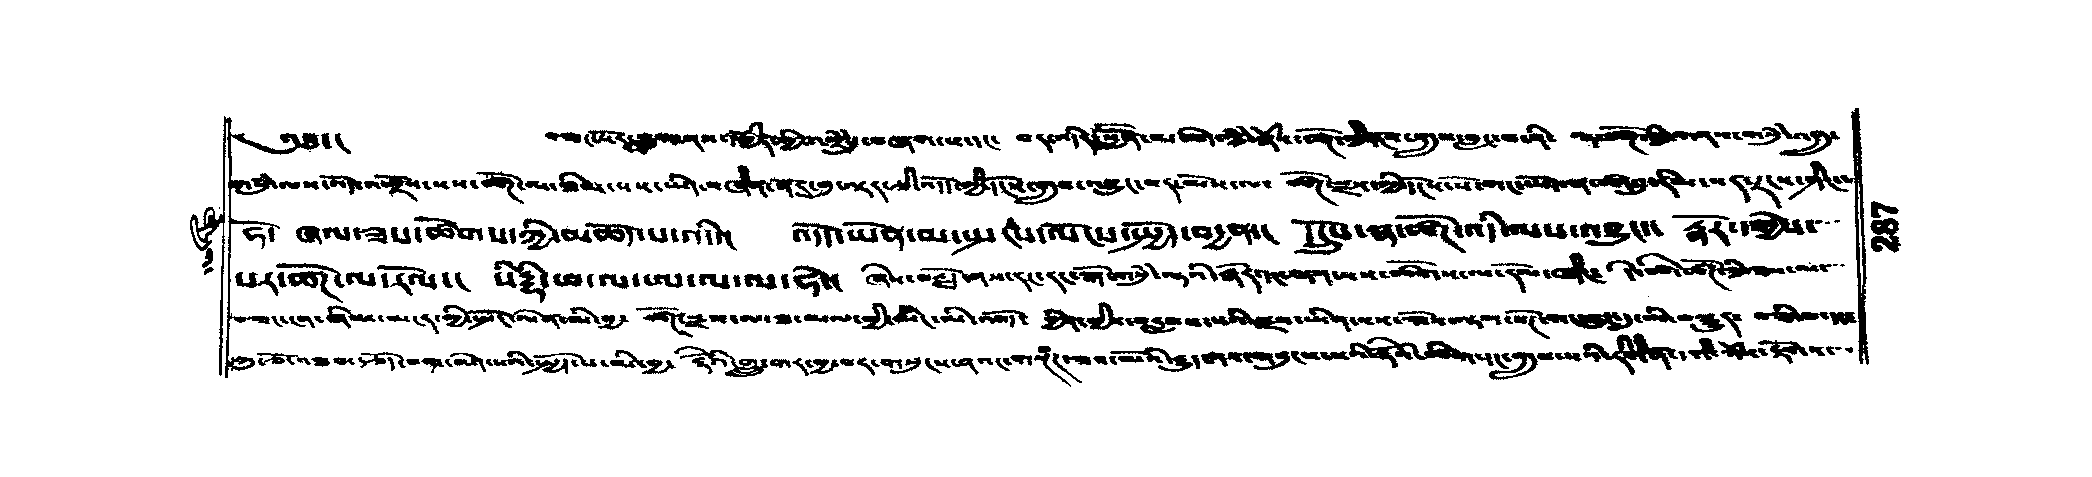བཟང་པོར་བླུག་ནས་དཀྱིལ་འཁོར་གསུམ་དུ་བཞག་པ་དང་། བར་འདིར་སློབ་དཔོན་མཆེད་ལྕམ་རྣམས་ཚོགས་ཀྱི་དངོས་གྲུབ་བླང་བ་ནི། ལྷ་ཚོགས་ཀྱི་གནས་གསུམ་འབྲུ་
གསུམ་ལས་འོད་འཕྲོས་པས་ཚོགས་ལ་ཐིམ་པས་ཡིད་བཞིན་ནོར་བུ་ལྟར་ཅི་འདོད་ཀྱི་དངོས་གྲུབ་འབྱུང་བར་མོས་ལ། ཚོགས་རྫས་ཀྱི་དངོས་པོ་གང་ཡོད་ན་ཚད་དུ་རིམ་པར་དྲངས་ཤིང་། 
ཧོ། ཞལ་ཟས་ཚོགས་ཀྱི་མཆོད་པ་འདི། །འདོད་ཡོན་མ་སྤངས་ལོངས་སྤྱོད་བརྒྱན། །དངོས་གྲུབ་སྣ་ཚོགས་འདི་ལས་འབྱུང་། །རྣལ་འབྱོར་དགྱེས་
པར་ཚོགས་ལ་རོལ། །སིདྡྷི་ཕ་ལ་ཨ་ལ་ལ་ཧོ། ཞེས་བརྗོད་ནས་རང་རང་སྒོ་གསུམ་ལྷའི་རྣལ་འབྱོར་དང་སྡན་པས་ཚོགས་ལ་རོལ་ཞིང་། དེ་ཚེ་ཚོགས་ཀྱི་རྫས་ལ་
བཟང་ངན་ཞིམ་མངར་གྱི་སྤོང་ལེན་མི་བྱ། ཚོགས་རྫས་ལ་ཐ་མལ་གྱི་མིང་མི་འབོད། བྱིན་གྱིས་བརླབས་པའི་རྫས་ཡིན་པས་ཟོས་ལྷག་སོགས་གང་བྱུང་དུ་མི་བསྐྱུར། བཟི་བ་དང་
ཀུ་ཅོ་འཐབ་རྩོད་བག་མེད་པའི་སྤྱོད་པ་མི་བྱ། རྡོ་རྗེའི་གླུ་གར་བྱ་བ་གསུངས་ནའང་གསང་སྔགས་ཟབ་མོའི་རྒྱུད་ནས་གསུངས་པའི་རྡོ་རྗེའི་ཚིག་དང་གྲུབ་པའི་རིག་འཛིན་དག་གིས་ཉམས་རྟོགས་